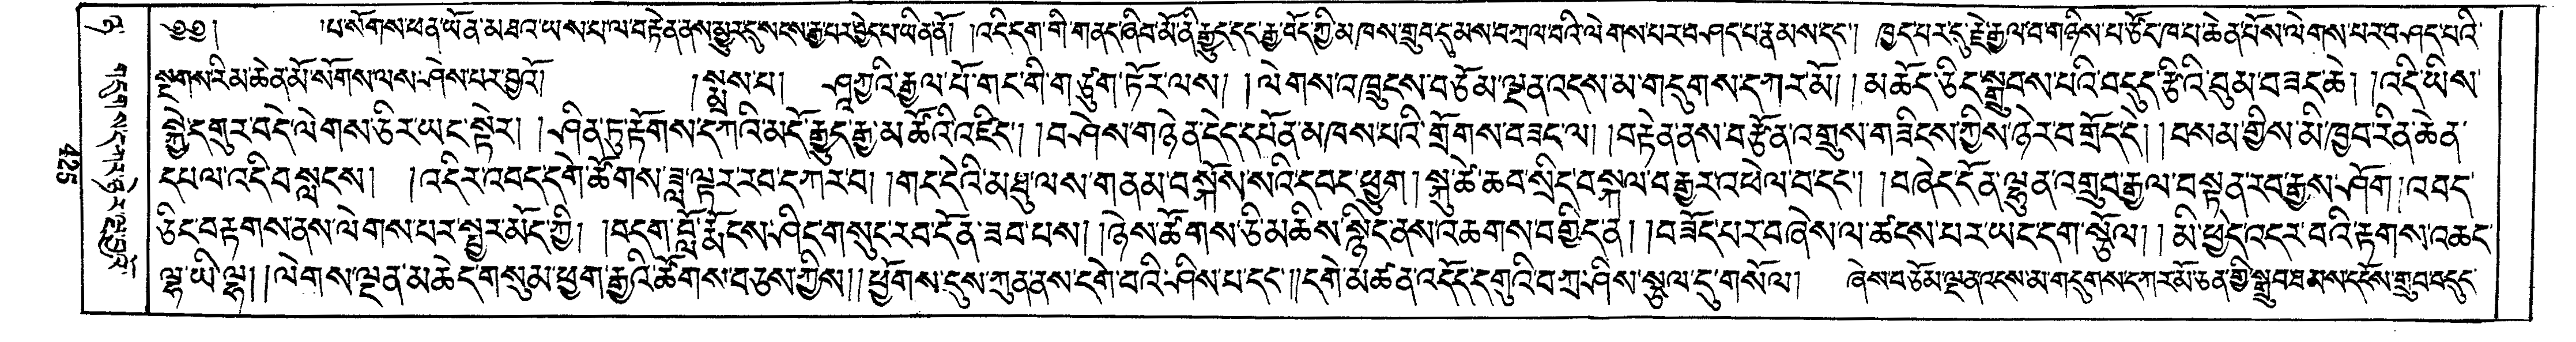༄༅། །བ་སོགས་ཕན་ཡོན་མཐའ་ཡས་པ་ལ་བརྟེན་ནས་མྱུར་དུ་སངས་རྒྱ་བར་བྱེད་པ་ཡིན་ནོ། །འདི་དག་གི་གནད་ཞིབ་མོ་ནི་རྒྱུད་དང་རྒྱ་བོད་ཀྱི་མཁས་གྲུབ་དུ་མས་བཀྲལ་བའི་ལེགས་པར་བཤད་པ་རྣམས་དང་། ཁྱད་པར་དུ་རྗེ་རྒྱལ་བ་གཉིས་པ་ཙོང་ཁ་པ་ཆེན་པོས་ལེགས་བར་བཤད་པའི་
སྔགས་རིམ་ཆེན་མོ་སོགས་ལས་ཤེས་པར་བྱའོ། སྨྲས་པ། ཤཱཀྱའི་རྒྱལ་པོ་གང་གི་གཙུག་ཏོར་ལས། །ལེགས་འཁྲུངས་བཅོམ་ལྡན་འདས་མ་གདུགས་དཀར་མོ། །མཆོད་ཅིང་སྒྲུབས་པའི་བདུད་རྩིའི་བུམ་བཟང་ཆེ། །འདི་ཡིས་
སྐྱེ་དགུར་བདེ་ལེགས་ཅིར་ཡང་སྟེར། །ཤིན་ཏུ་རྟོགས་དཀའི་མདོ་རྒྱུད་རྒྱ་མཚོའི་འཇིང་། །བཤེས་གཉེན་དེད་དཔོན་མཁས་པའི་གྲོགས་བཟང་ལ། །བརྟེན་ནས་བརྩོན་འགྲུས་གཟིངས་ཀྱིས་ཉེར་བགྲོད་དེ། །བསམ་གྱིས་མི་ཁྱབ་རིན་ཆེན་
དཔལ་འདི་བསླངས། །འདིར་འབད་དགེ་ཚོགས་ཟླ་ལྟར་རབ་དཀར་པ། །གང་དེའི་མཐུ་ལས་གནམ་བསྐོས་སའི་དབང་ཕྱུག །སྐུ་ཚེ་ཆབ་སྲིད་བསྐལ་བརྒྱར་འཕེལ་བ་དང་། །བཞེད་དོན་ལྷུན་འགྲུབ་རྒྱལ་བསྟན་རབ་རྒྱས་ཤོག །འབད་
ཅིང་བརྟགས་ནས་ལེགས་པར་སྦྱར་མོད་ཀྱི། །བདག་བློ་རྨོངས་ཤིང་གསུང་རབ་དོན་ཟབ་པས། །ཉེས་ཚོགས་ཅི་མཆིས་སྙིང་ནས་འཆགས་བགྱིད་ན། །བཟོད་པར་བཞེས་ལ་ཚངས་པར་ཡང་དག་སྩོལ། །མི་ཕྱེད་འབར་བའི་རྟགས་འཆང་
ལྷ་ཡི་ལྷ། །ལེགས་ལྡན་མཆེད་གསུམ་ཕྱག་རྒྱའི་ཚོགས་ས་བཅས་ཀྱིས། །ཕྱོགས་དུས་ཀུན་ནས་དགེ་བའི་ཤིས་པ་དང་། །དགེ་མཚན་འདོད་དགུའི་བཀྲ་ཤིས་སྩལ་དུ་གསོལ། ཞེས་བཅོམ་ལྡན་འདས་མ་གདུགས་དཀར་མོ་ཅན་གྱི་སྒྲུབ་ཐབས་དངོས་གྲུབ་བདུད་